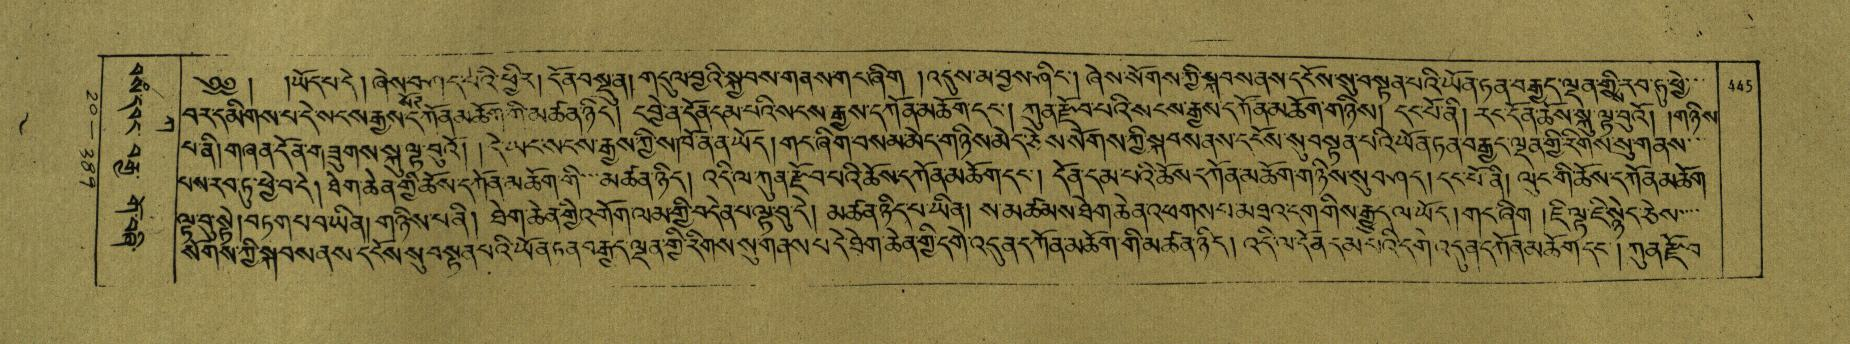༄༅། །ཡོད་པ་དེ། ཞེས་སོཊ་བཤད་པའི་ཕྱིར། དོན་བསྡུ་ན། གདུལ་བྱའི་སྐྱབས་གནས་གང་ཞིག །འདུས་མ་བྱས་ཤིང་། ཞེས་སོགས་ཀྱི་སྐབས་ནས་དངོས་སུ་བསྟན་པའི་ཡོན་ཏན་བརྒྱད་ལྡན་གྱིས་རབ་ཏུ་ཕྱེ་
བར་དམིགས་པ་དེ་སངས་རྒྱས་དཀོན་མཆོག་གི་མཚན་ཉིད། དབྱེ་ན་དོན་དམ་པའི་སངས་རྒྱས་དཀོན་མཆོག་དང་། ཀུན་རྫོབ་པའི་སངས་རྒྱས་དཀོན་མཆོག་གཉིས། དང་པོ་ནི། རང་དོན་ཆོས་སྐུ་ལྟ་བུའོ། །གཉིས་
པ་ནི། གཞན་དོན་གཟུགས་སྐུ་ལྟ་བུའོ། །དེ་ཡང་སངས་རྒྱས་ཀྱི་ས་ཁོ་ན་ན་ཡོད། གང་ཞིག་བསམ་མེད་གཉིས་མེད་ཅེས་སོགས་ཀྱི་སྐབས་ནས་དངོས་སུ་བསྟན་པའི་ཡོན་ཏན་བརྒྱད་ལྡན་གྱི་རིགས་སུ་གནས་
པས་རབ་ཏུ་ཕྱེ་བ་དེ། ཐེག་ཆེན་གྱི་ཆོས་དཀོན་མཆོག་གི་མཚན་ཉིད། འདི་ལ་ཀུན་རྫོབ་པའི་ཆོས་དཀོན་མཆོག་དང་། དོན་དམ་པའི་ཆོས་དཀོན་མཆོག་གཉིས་སུ་བཤད། དང་པོ་ནི། ལུང་གི་ཆོས་དཀོན་མཆོག་
ལྟ་བུ་སྟེ། བཏག་པ་བ་ཡིན། གཉིས་པ་ནི། ཐེག་ཆེན་གྱི་འགོག་ལམ་གྱི་བདེན་པ་ལྟ་བུ་དེ། མཚན་ཉིད་པ་ཡིན། ས་མཚམས་ཐེག་ཆེན་འཕགས་པ་མཐའ་དག་གིས་རྒྱུད་ལ་ཡོད། གང་ཞིག །ཇི་ལྟ་ཇི་སྙེད་ཅེས་
སོགས་ཀྱི་སྐབས་ནས་དངོས་སུ་བསྟན་པའི་ཡོན་ཏན་བརྒྱད་ལྡན་གྱི་རིགས་སུ་གནས་པ་དེ་ཐེག་ཆེན་གྱི་དགེ་འདུན་དཀོན་མཆོག་གི་མཚན་ཉིད། འདི་ལ་དོན་དམ་པའི་དགེ་འདུན་དཀོན་མཆོག་དང་། ཀུན་རྫོབ་